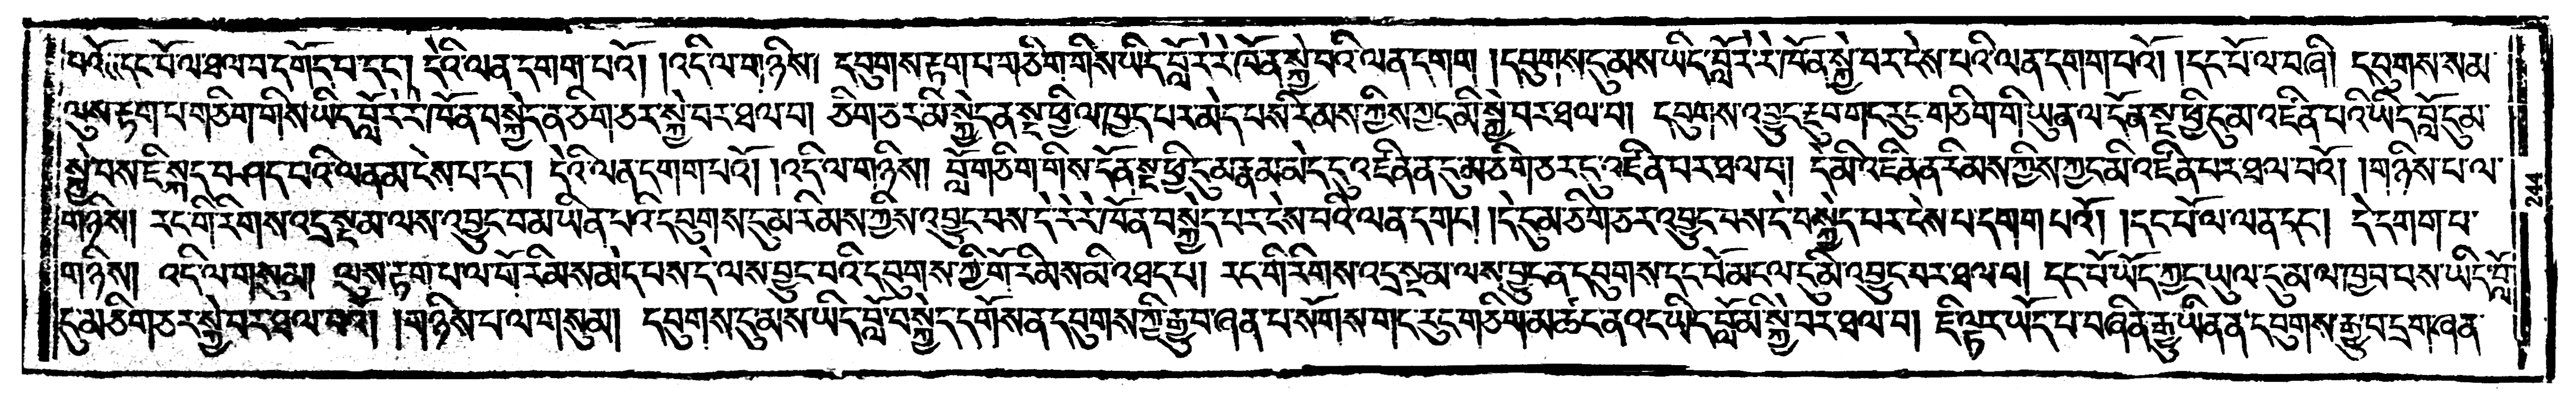པའོ། །དང་པོ་ལ་ཐལ་བ་དགོད་པ་དང་། དེའི་ལན་དགག་པའོ། །འདི་ལ་གཉིས། དབུགས་རྟག་པ་གཅིག་གིས་ཡིད་བློ་རེ་རེ་ཁོ་ན་སྐྱེ་བའི་ལན་དགག །དབུགས་དུ་མས་ཡིད་བློ་རེ་རེ་ཁོ་ན་སྐྱེ་བར་ངེས་པའི་ལན་དགག་པའོ། །དང་པོ་ལ་བཞི། དབུགས་སམ་
ལུས་རྟག་པ་གཅིག་གིས་ཡིད་བློ་རེ་རེ་ཁོ་ན་བསྐྱེད་ན་ཅིག་ཅར་སྐྱེ་བར་ཐལ་བ། ཅིག་ཅར་མི་སྐྱེད་ན་སྔ་ཕྱི་ལ་ཁྱད་པར་མེད་པས་རིམས་ཀྱིས་ཀྱང་མི་སྐྱེ་བར་ཐལ་བ། དབུགས་འབྱུང་རྔུབ་གང་རུང་གཅིག་གི་ཡུན་ལ་དོན་སྔ་ཕྱི་དུ་མ་འཛིན་པའི་ཡིད་བློ་དུ་མ་
སྐྱེ་བས་ཇི་སྐད་བཤད་པའི་ལན་མ་ངེས་པ་དང་། དེའི་ལན་དགག་པའོ། །འདི་ལ་གཉིས། བློ་གཅིག་གིས་དོན་སྔ་ཕྱི་དུ་མ་རྣམ་མེད་དུ་འཛིན་ན་དུ་མ་ཅིག་ཅར་དུ་འཛིན་པར་ཐལ་བ། དེ་མི་འཛིན་ན་རིམས་ཀྱིས་ཀྱང་མི་འཛིན་པར་ཐལ་བའོ། །གཉིས་པ་ལ་
གཉིས། རང་གི་རིགས་འདྲ་སྔ་མ་ལས་འབྱུང་བ་མ་ཡིན་པའི་དབུགས་དུ་མ་རིམས་ཀྱིས་འབྱུང་བས་དེ་རེ་རེ་ཁོ་ན་བསྐྱེད་པར་ངེས་པའི་ལན་དགག །དེ་དུ་མ་ཅིག་ཅར་འབྱུང་བས་དེ་བསྐྱེད་པར་ངེས་པ་དགག་པའོ། །དང་པོ་ལ་ལན་དང་། དེ་དགག་པ་
གཉིས། འདི་ལ་གསུམ། ལུས་རྟག་པ་ལ་གོ་རིམས་མེད་པས་དེ་ལས་བྱུང་བའི་དབུགས་ཀྱི་གོ་རིམས་མི་འཐད་པ། རང་གི་རིགས་འདྲ་སྔ་མ་ལས་བྱུང་ན་དབུགས་དང་པོ་མངལ་དུ་མི་འབྱུང་བར་ཐལ་བ། དང་པོ་ཡོད་ཀྱང་ཡུལ་དུ་མ་ལ་ཁྱབ་པས་ཡིད་བློ་
དུ་མ་ཅིག་ཅར་སྐྱེ་བར་ཐལ་བའོ། །གཉིས་པ་ལ་གསུམ། དབུགས་དུ་མས་ཡིད་བློ་བསྐྱེད་དགོས་ན་དབུགས་ཀྱི་རྒྱུ་བ་ཞན་པ་སོགས་གང་རུང་གཅིག་མ་ཚང་ནའང་ཡིད་བློ་མི་སྐྱེ་བར་ཐལ་བ། ཇི་ལྟར་ཡོད་པ་བཞིན་རྒྱུ་ཡིན་ན་དབུགས་རྒྱུ་བ་དྲག་ཞན་